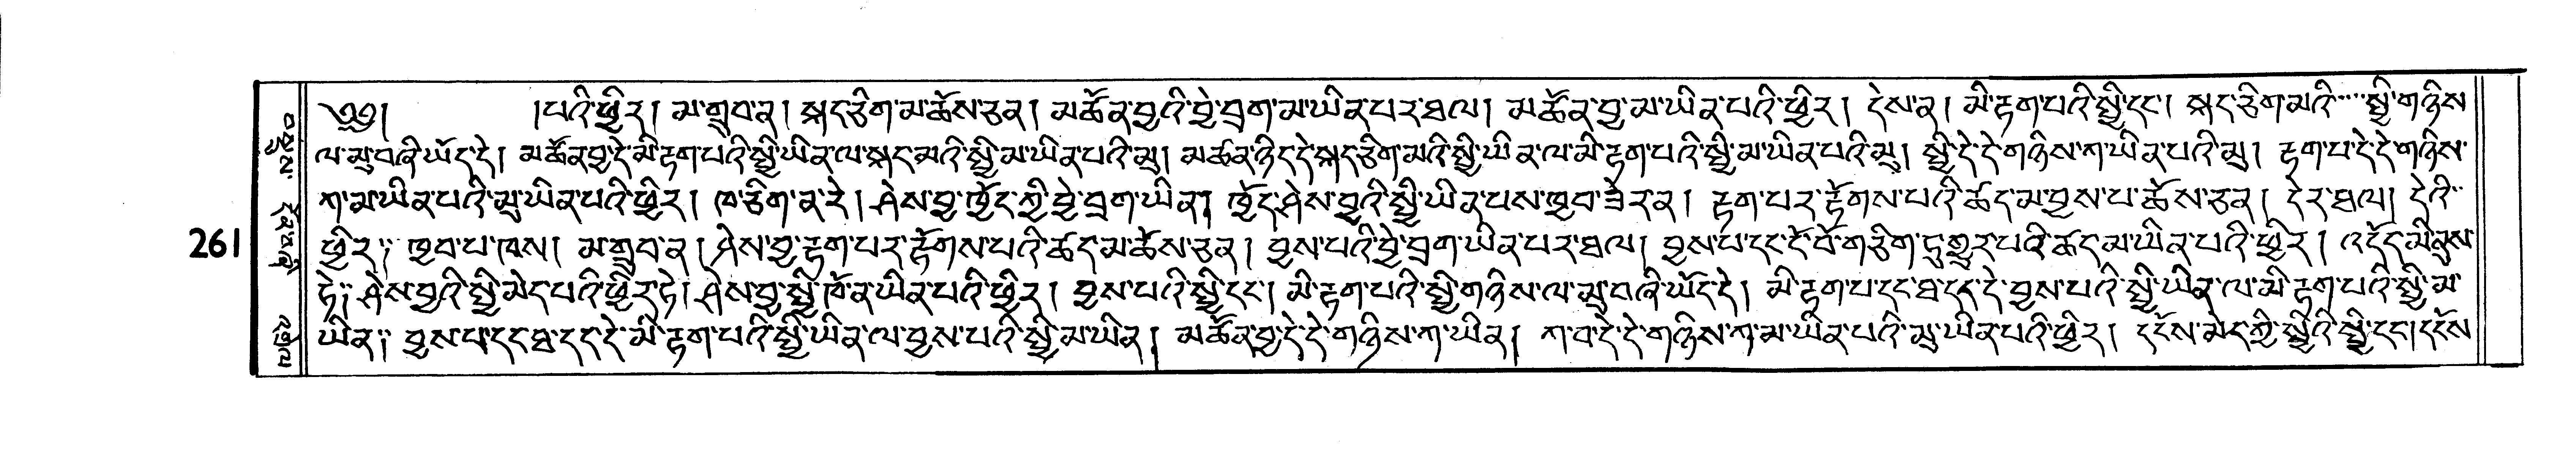༄༅། །པའི་ཕྱིར། མ་གྲུབ་ན། སྐད་ཅིག་མ་ཆོས་ཅན། མཚོན་བྱའི་བྱེ་བྲག་མ་ཡིན་པར་ཐལ། མཚོན་བྱ་མ་ཡིན་པའི་ཕྱིར། དེས་ན། མི་རྟག་པའི་སྤྱི་དང་། སྐད་ཅིག་མའི་སྤྱི་གཉིས་
ལ་མུ་བཞི་ཡོད་དེ། མཚོན་བྱ་དེ་མི་རྟག་པའི་སྤྱི་ཡིན་ལ་སྐད་མའི་སྤྱི་མ་ཡིན་པའི་མུ། མཚན་ཉིད་དེ་སྐད་ཅིག་མའི་སྤྱི་ཡིན་ལ་མི་རྟག་པའི་སྤྱི་མ་ཡིན་པའི་མུ། སྤྱི་དེ་དེ་གཉིས་ཀ་ཡིན་པའི་མུ། རྟག་པ་དེ་དེ་གཉིས་
ཀ་མ་ཡིན་པའི་མུ་ཡིན་པའི་ཕྱིར། ཁ་ཅིག་ན་རེ། ཤེས་བྱ་ཁྱོད་ཀྱི་བྱེ་བྲག་ཡིན། ཁྱོད་ཤེས་བྱའི་སྤྱི་ཡིན་པས་ཁྱབ་ཟེར་ན། རྟག་པར་རྟོགས་པའི་ཚད་མ་བྱས་པ་ཆོས་ཅན། དེར་ཐལ། དེའི་
ཕྱིར༑ ཁྱབ་པ་ཁས། མ་གྲུབ་ན། ཤེས་བྱ་རྟག་པར་རྟོགས་པའི་ཚད་མ་ཆོས་ཅན། བྱས་པའི་བྱེ་བྲག་ཡིན་པར་ཐལ། བྱས་པ་དང་ངོ་བོ་གཅིག་ཏུ་གྱུར་པའི་ཚད་མ་ཡིན་པའི་ཕྱིར། འདོད་མི་ནུས་
ཏེ༑ ཤེས་བྱའི་སྤྱི་མེད་པའི་ཕྱིར་ཏེ། ཤེས་བྱ་སྤྱི་ཁོ་ན་ཡིན་པའི་ཕྱིར། བྱས་པའི་སྤྱི་དང་། མི་རྟག་པའི་སྤྱི་གཉིས་ལ་མུ་བཞི་ཡོད་དེ། མི་རྟག་པ་དང་ཐ་དད་དེ་བྱས་པའི་སྤྱི་ཡིན་ལ་མི་རྟག་པའི་སྤྱི་མ་
ཡིན༑ བྱས་པ་དང་ཐ་དད་དེ་མི་རྟག་པའི་སྤྱི་ཡིན་ལ་བྱས་པའི་སྤྱི་མ་ཡིན། མཚོན་བྱ་དེ་དེ་གཉིས་ཀ་ཡིན། ཀ་བ་དེ་དེ་གཉིས་ཀ་མ་ཡིན་པའི་མུ་ཡིན་པའི་ཕྱིར། དངོས་མེད་ཀྱི་སྤྱིའི་དང་། དངོས་